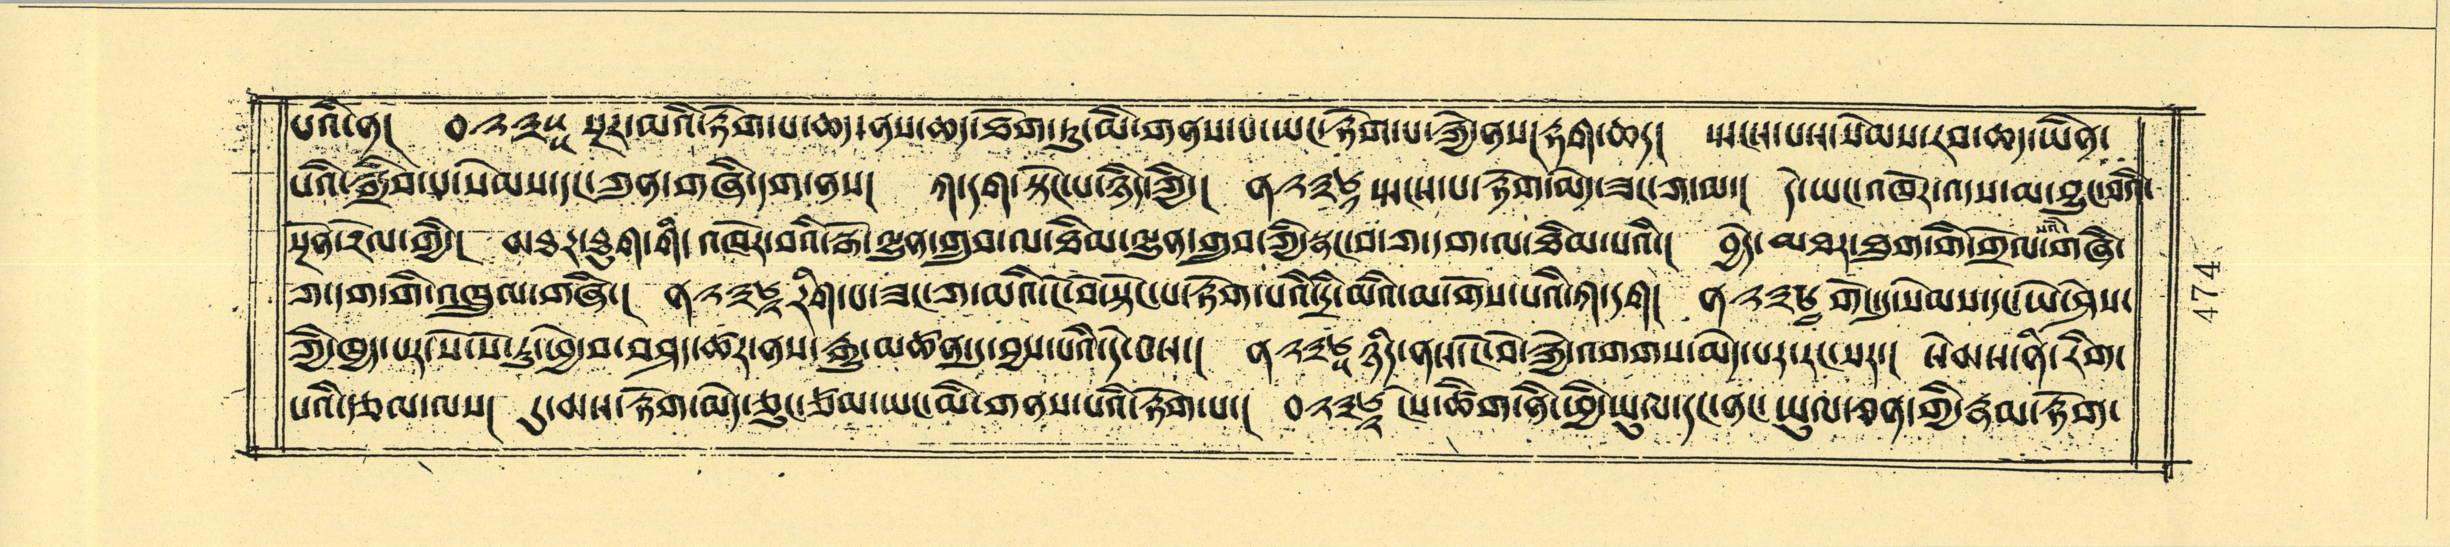པའི་ན་བ༢༣༥།༥སྔར་མའི་རྟོག་པ་ཆད་ནས་ཆད་ཐོག་ཏུ་མི་གནས་པ་ཡང་རྟོག་པ་སྐྱེ་ནས་༼རྟག་ཆད༽ ༼སྤངས་པས༽སེམས་རབ་ཆད་ཡིན་
པའི་སྒྲིབ་པ་སེམས་དང་ཀུན་གཞི་དག་ནས་༼ཀ་དག༽སྟོང་པ་ཉིད་ཀྱི་ན༢༣༦།༼སྤངས་པ༽རྟོག་མེད་ཟང་ཀ་མ་དེ་ཡང་འཁོར་འདས་མ་བྱུང་བའི་
སྔོན་རོལ་གྱི་༼མཐར་ཐུག་གི་༽འཁོར་བའི་སྒོ་ལྷུན་གྲུབ་ལ་ཐིམ་ལྷུན་གྲུབ་ཀྱི་སྣང་བ་ཀ་དག་ལ་ཐིམ་པའི་༼བྱེད༽མཐར་ཐུག་གི་གྲོལ་བའི་གཞི་
ཀ་དག་གི་འཁྲུལ་གཞི་ན༢༣༦།༢༼རིག་པ༽ཟང་ཀ་མའི་ངོ་བོ་སྟོང་པ་རྟོག་པའི་དྲི་མས་མ་གོས་པའི་༼ཀ་དག༽ན༢༣༦།༤གོང་དུ་སེམས་དང་ཡེ་ཤེས་
ཀྱི་ཁྱད་པར་སོ་སོ་རུ་ཕྱེ་བ་བཤད་ཚར་ནས་རྒྱུ་མཚན་དུ་བྱས་པའི་དེ་བས་ན༢༣༦།༥༼ཉིད་ནས༽ངོ་བོ་སྐྱེ་འགག་མེད་པར་རང་སར་༼སེམས་ནི༽རིག་
པའི་རྩལ་ལས་༼དུ་མས༽རྟོག་མེད་ཅུང་ཙམ་ཡང་མི་གནས་པའི་རྟོག་པ་བ༢༣༦།༢ངེས་ཚིག་ནི་༼ཕྱི་༽ཡུལ་དང་༼ནང་༽ཡུལ་ཅན་གྱི་རྣམ་རྟོག་